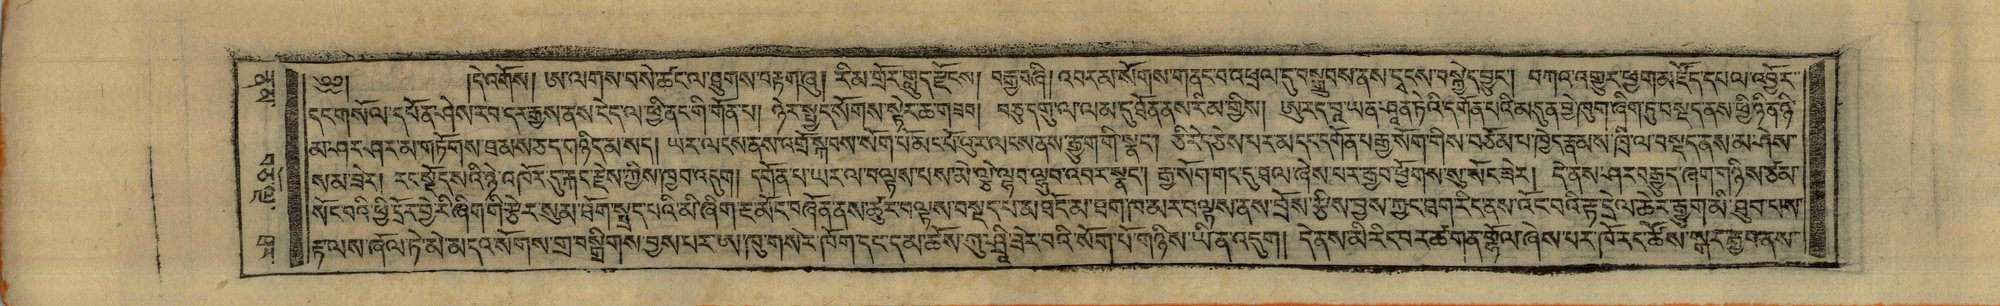༄༅། །དེ་འགོས། ཨ་ལགས་བསེ་ཚང་ལ་ཐུགས་བརྟག་ཞུ། རིམ་གྲོར་གླུད་རྫོངས། བརྒྱ་བཞི། འབར་མ་སོགས་གནང་བ་འཕྲལ་དུ་བསྒྲུབས་ནས་དྭངས་བསྐྱེད་བྱུང་། བཀའ་འགྱུར་ཕྱག་མཛོད་དཔལ་འབྱོར་
དང་གསོལ་དཔོན་ཤེས་རབ་དར་རྒྱས་ནས་ངེད་ལ་ཕྱི་ནང་གི་གོན་པ། ཉེར་སྤྱད་སོགས་སྟེར་ཆ་གཟབ། བཅུ་དགུ་ལ་ལམ་དུ་ཐོན་ནས་རིམ་གྱིས། ཨུ་རད་བཱ་ཡན་ཤཱན་ཏེའི་དགོན་པའི་མདུན་བྱེ་ཁུག་ཞིག་ཏུ་བསྡད་ནས་ཕྱི་ཉིན་ཉི་
མ་ཤར་ཤར་མ་གཏོགས་ཐམས་ཅད་གཉིད་མ་སད། ཡར་ལངས་ནས་འགྲོ་སྐབས་སོག་པོ་མང་པོ་འུར་ལངས་ནས་རྒྱུག་གི་སྣང་། ཅི་རེད་ཅེས་པར་མདང་དགོན་པ་རྒྱ་སོག་གིས་བཅོམ་པ་ཁྱེད་རྣམས་ཁྲི་ལ་བསྡད་ནས་མ་ཤེས་
སམ་ཟེར། རང་སྡོད་སའི་ཉེ་འཁོར་དུ་རྐང་རྗེས་ཀྱིས་ཁྱབ་འདུག །དགོན་པ་ཡར་ལ་བལྟས་པས་མེ་ལྕེ་ལྷབ་ལྷུབ་འབར་སྣང་། རྒྱ་སོག་གང་དུ་ཐལ་ཞེས་པར་རྒྱབ་ཕྱོགས་སུ་སོང་ཟེར། དེ་ནས་ཤར་བརྒྱུད་ཞག་གཉིས་ཙམ་
སོང་བའི་ཕྱི་དྲོར་བྱེ་རི་ཞིག་གི་རྩེར་སུམ་ཐོག་སྤྲད་པའི་མི་ཞིག་རྔ་མོང་བཞོན་ནས་ཚུར་བལྟས་བསྡད་པ་མཐོང་མ་ཐག་ཁ་མར་བལྟས་ནས་ཕྲོས་རྩིས་བྱས་ཀྱང་ཐག་རིང་ནས་འོང་བའི་རྟ་དྲེལ་ཆེར་རྒྱུག་མི་ཐུབ་པས་
རྟ་ལས་ཞོལ་ཏེ་མེ་མདའ་སོགས་གྲ་བསྒྲིགས་བྱས་པར་ཨ་ཁུ་གསེར་ཁོག་དང་དམ་ཆོས་ཀུ་ཤྲཱི་ཟེར་བའི་སོག་པོ་གཉིས་ཡིན་འདུག །དེ་ནས་མི་རིང་བར་ཚ་གན་བྷོལ་ཞེས་པར་ཁོ་རང་ཚོས་སྒར་རྒྱབ་ནས་